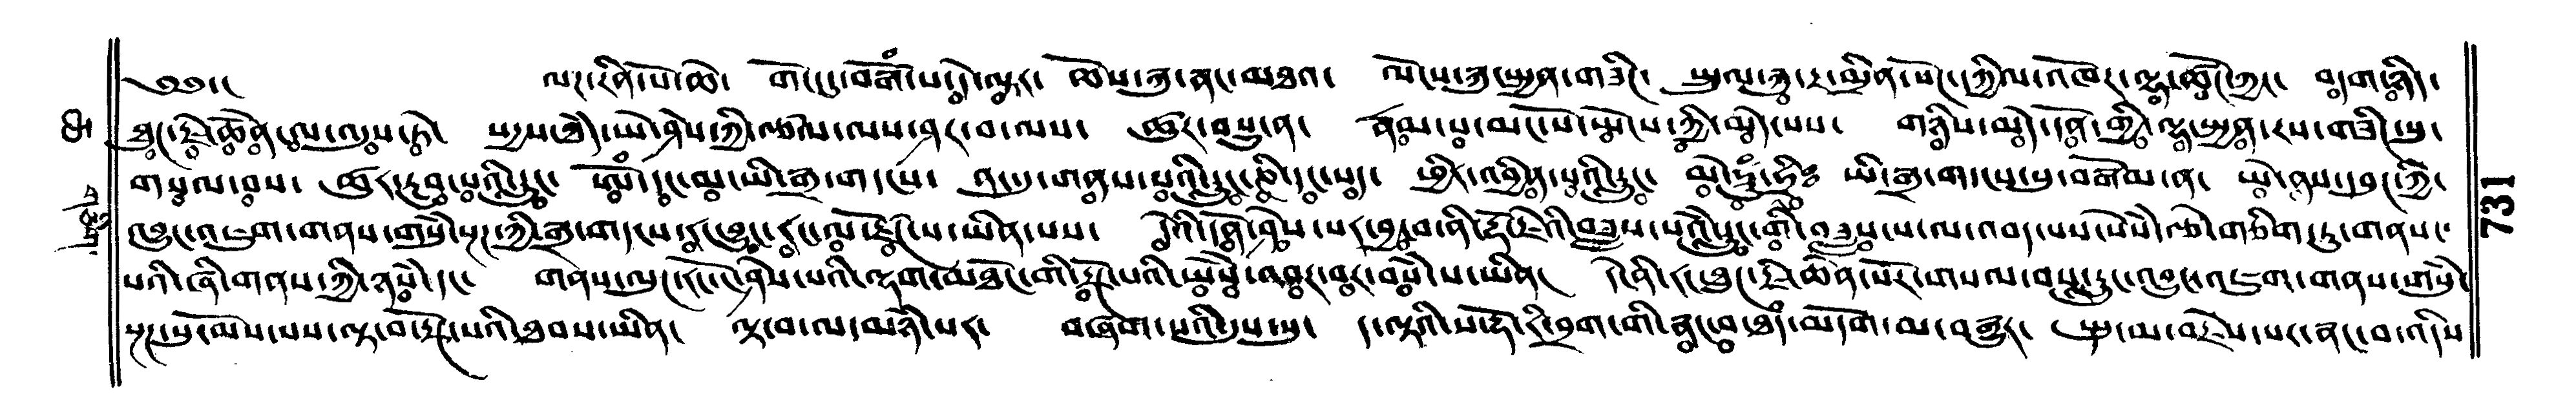༄༅། ལགས་རིན་པོ་ཆེ། གོང་དུ་བསྒོམ་པ་དེ་ལྟར། ཆོས་སྐུ་སྣང་མཐའ། ལོངས་སྐུ་སྤྱན་གཟིགས། སྤྲུལ་སྐུ་རྟ་མགྲིན་སོགས་དཀྱིལ་འཁོར་ལྷ་ཚོགས་ཀྱང་།བདག་ཉིད་
ཐུགས་རྗེ་ཆེན་པོ་ལ་འདུས་ཏེ། སངས་རྒྱས་ཐམས་ཅད་ཡེ་ཤེས་ཀྱི་རྩལ་ལས་ཤར་བ་ལས། ཚུར་བསྡུ་ན། རྣམ་པ་མང་པོ་ཡོང་གི་མེད་པས། གཉིས་མེད་དོན་གྱི་ལྷ་སྤྱན་རས་གཟིགས་སུ་
གསལ་བས། ཚུར་རྡུབ་པའི་རླུང་། ཨོཾ་དང་མ་ཡི་སྒྲ་གདངས། ནང་དུ་གནས་པའི་རླུང་ཎི་དང་པད། ཕྱིར་འབྱིན་པའི་རླུང་། མེ་ཧྃའུ་ཧྲཱིཿཡི་སྒྲ་གདངས་སུ་བསྒོམ་ན། ཡེ་ནས་དབུགས་ཀྱི་
འབྱུང་འཇུག་གནས་གསུམ་སྔགས་ཀྱི་སྒྲ་གདངས་རང་བྱུང་རང་ལ་རྫོགས་པ་ཡིན་པས། དེའི་དོན་ཤེས་པར་བྱ་བ་ནི་རྡོ་རྗེའི་བཟླས་པའམ་རླུང་གི་བཟླས་པ་ལ་འབད་པས་སེམས་རྩེ་གཅིག་ཏུ་གནས་
པའི་ཞི་གནས་ཀྱི་ཉམས་དང་། གནས་ལུགས་རང་ངོ་ཤེས་པའི་ལྷག་མཐོང་གི་རྟོགས་པའི་ཡེ་ཤེས་འབར་བར་བསམ་པ་ཡིན། དེ་ནི་རང་ཐུགས་རྗེ་ཆེན་པོར་གསལ་བས་རླུང་འབྱུང་འཇུག་གནས་གསུམ་
སྔགས་སུ་མོས་པས་ལྟ་བ་རྟོགས་པའི་ཐབས་ཡིན། ལྟ་བ་ལ་མཉམ་པར་བཞག་པའི་དུས་སུ། ད་ལྟའི་ས་རྡོ་རི་བྲག་གི་སྣང་བ་ཐམས་ཅད་མདོག་མ་ ( བསྒྱུར ?) འགྱུར། སྤུ་མ་བརྗེས་པར་སྣང་བ་འདིས་